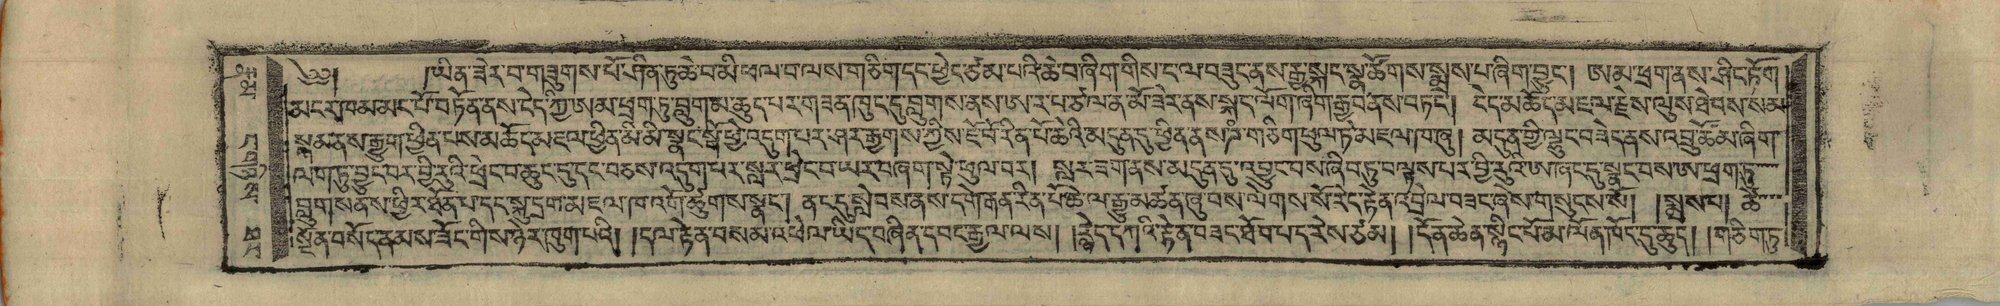༄༅། །ཡིན་ཟེར་བ་གཟུགས་པོ་ཤིན་ཏུ་ཆེ་བ་མི་ཕལ་བ་ལས་གཅིག་དང་ཕྱེད་ཙམ་པའི་ཆེ་བ་ཞིག་གིས་ང་ལ་བཟུང་ནས་རྒྱ་སྐད་སྣ་ཚོགས་སྨྲས་པ་ཞིག་བྱུང་། ཨམ་ཕྲག་ནས་ཤིང་ཏོག་
མངར་ཁམ་མང་པོ་བཏོན་ནས་ངེད་ཀྱི་ཨམ་ཕྲག་ཏུ་བླུག་མ་ཆུད་པར་གཟན་ཁུང་དུ་བླུགས་ནས་ཨ་ར་པ་ཙ་ལ་ན་མོ་ཟེར་ནས་སྐད་ལོག་ཞིག་རྒྱབ་ནས་བཏང་། ངེད་མཆོད་མཇལ་རྗེས་ལུས་ཐེབས་སམ་
སྙམ་ནས་རྒྱུག་ཕྱིན་པས་མཆོད་མཇལ་ཕྱིན་མི་མི་སྣང་སྒོ་ཕྱེ་འདུག་པར་ཤར་རྒྱགས་ཀྱིས་ཇོ་བོ་རིན་པོ་ཆེའི་མདུན་དུ་ཕྱིན་ནས་ཌཾ་གཅིག་ཕུལ་ཏེ་མཇལ་ཁ་ཞུ། མདུན་གྱི་ལྷུང་བཟེད་ནས་འབྲུ་ཚོམ་ཞིག་
ལག་ཏུ་བྱུང་བར་བྱི་རུའི་ཕྲེང་བ་ཆུང་ངུ་དང་བཅས་འདུག་པར་སླར་ཕྲེང་བ་ཡར་བཞག་སྟེ་ཕུལ་བར། སླར་ཟག་ནས་མདུན་དུ་འབྱུང་བས་ཞིབ་ཏུ་བལྟས་པར་བྱི་རུའི་ཨ་ཞང་དུ་སྣང་བས་ཨ་ཕྲག་ཏུ་
བླུགས་ནས་ཕྱིར་ཐོན་པ་དང་སྐུ་དྲག་མཇལ་ཁ་འགོ་ཚུགས་སྣང་། ནང་དུ་སླེབས་ནས་དགེ་རྒན་རིན་པོ་ཆེ་ལ་རྒྱུ་མཚན་ཞུ་བས་ལེགས་སོ་རེད་རྟེན་འབྲེལ་བཟང་ཞེས་གསུངས་སོ། །སྨྲས་པ། ཚེ་
སྔོན་བསོད་ནམས་ཟོང་གིས་ཉེར་ཁུག་པའི། །དལ་རྟེན་བསམ་འཕེལ་ཡིད་བཞིན་དབང་རྒྱལ་ལས། །རྙེད་དཀའི་རྟེན་བཟང་ཐོབ་པ་ད་རེས་ཙམ། །དོན་ཆེན་སྙིང་པོ་མ་ལོན་ཁོང་དུ་ཆུད། །གཅིག་ཏུ་